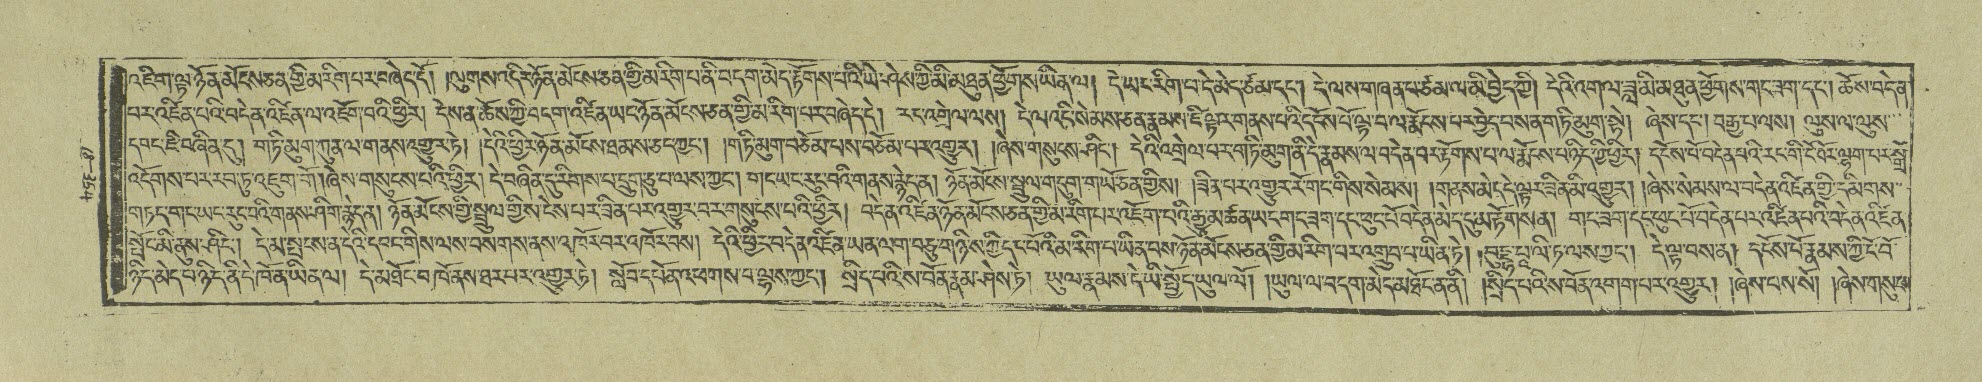འཇིག་ལྟ་ཉོན་མོངས་ཅན་གྱི་མ་རིག་པར་བཞེད་དོ། །ལུགས་འདིར་ཉོན་མོངས་ཅན་གྱི་མ་རིག་པ་ནི་བདག་མེད་རྟོགས་པའི་ཡེ་ཤེས་ཀྱི་མི་མཐུན་ཕྱོགས་ཡིན་ལ། དེ་ཡང་རིག་པ་དེ་མེད་ཙམ་དང་། དེ་ལས་གཞན་པ་ཙམ་ལ་མི་བྱེད་ཀྱི། དེའི་འགལ་ཟླ་མི་མཐུན་ཕྱོགས་གང་ཟག་དང་། ཆོས་བདེན་
པར་འཛིན་པའི་བདེན་འཛིན་ལ་འཇོག་པའི་ཕྱིར། དེས་ན་ཆོས་ཀྱི་བདག་འཛིན་ཡང་ཉོན་མོངས་ཅན་གྱི་མ་རིག་པར་བཞེད་དེ། རང་འགྲེལ་ལས། དེ་ལ་འདི་སེམས་ཅན་རྣམས་ཇི་ལྟར་གནས་པའི་དངོས་པོ་ལྟ་བ་ལ་རྨོངས་པར་བྱེད་པས་ན་གཏི་མུག་སྟེ། ཞེས་དང་། བརྒྱ་པ་ལས། ལུས་ལ་ལུས་
དབང་ཇི་བཞིན་དུ། གཏི་མུག་ཀུན་ལ་གནས་འགྱུར་ཏེ། །དེའི་ཕྱིར་ཉོན་མོངས་ཐམས་ཅད་ཀྱང་། །གཏི་མུག་བཅོམ་པས་བཅོམ་པར་འགྱུར། །ཞེས་གསུངས་ཤིང་། དེའི་འགྲེལ་པར་གཏི་མུག་ནི་དེ་རྣམས་ལ་བདེན་པར་རྟོགས་པ་ལ་རྨོངས་པ་ཉིད་ཀྱི་ཕྱིར། དངོས་པོ་བདེན་པའི་རང་གི་ངོ་བོར་ལྷག་པར་སྒྲོ་
འདོགས་པར་རབ་ཏུ་འཇུག་གོ །ཞེས་གསུངས་པའི་ཕྱིར། དེ་བཞིན་དུ་རིགས་པ་དྲུག་ཅུ་པ་ལས་ཀྱང་། གང་ཡང་རུང་བའི་གནས་རྙེད་ན། ཉོན་མོངས་སྤྲུལ་གདུག་གཡོ་ཅན་གྱིས། །ཟིན་པར་འགྱུར་རོ་གང་གིས་སེམས། །གནས་མེད་དེ་ལྟར་ཟིན་མི་འགྱུར། །ཞེས་སེམས་ལ་བདེན་འཛིན་གྱི་དམིགས་
གཏད་གང་ཡང་རུང་བའི་གནས་ཤིག་རྙེད་ན། ཉོན་མོངས་ཀྱི་སྤྲུལ་གྱིས་ངེས་པར་ཟིན་པར་འགྱུར་བར་གསུངས་པའི་ཕྱིར། བདེན་འཛིན་ཉོན་མོངས་ཅན་གྱི་མ་རིག་པར་འཇོག་པའི་རྒྱུ་མཚན་ཡང་གང་ཟག་དང་ཕུང་པོ་བདེན་མེད་དུ་མ་རྟོགས་ན། གང་ཟག་དང་ཕུང་པོ་བདེན་པར་འཛིན་པའི་བདེན་འཛིན་
སྤོང་མི་ནུས་ཤིང་། དེ་མ་སྤངས་ན་དེའི་དབང་གིས་ལས་བསགས་ནས་འཁོར་བར་འཁོར་བས། དེའི་ཕྱིར་བདེན་འཛིན་ཡན་ལག་བཅུ་གཉིས་ཀྱི་དང་པོའི་མ་རིག་པ་ཡིན་པས་ཉོན་མོངས་ཅན་གྱི་མ་རིག་པར་འགྲུབ་པ་ཡིན་ཏེ། བུདྡྷ་པཱ་ལི་ཏ་ལས་ཀྱང་། དེ་ལྟ་བས་ན། དངོས་པོ་རྣམས་ཀྱི་ངོ་བོ་
ཉིད་མེད་པ་ཉིད་ནི་དེ་ཁོ་ན་ཡིན་ལ། དེ་མཐོང་བ་ཁོ་ནས་ཐར་པར་འགྱུར་ཏེ། སློབ་དཔོན་འཕགས་པ་ལྷས་ཀྱང་། སྲིད་པའི་ས་བོན་རྣམ་ཤེས་ཏེ། ཡུལ་རྣམས་དེ་ཡི་སྤྱོད་ཡུལ་ལོ། །ཡུལ་ལ་བདག་མེད་མཐོང་ན་ནི། །སྲིད་པའི་ས་བོན་འགག་པར་འགྱུར། །ཞེས་པས་སོ། །ཞེས་གསུངས་